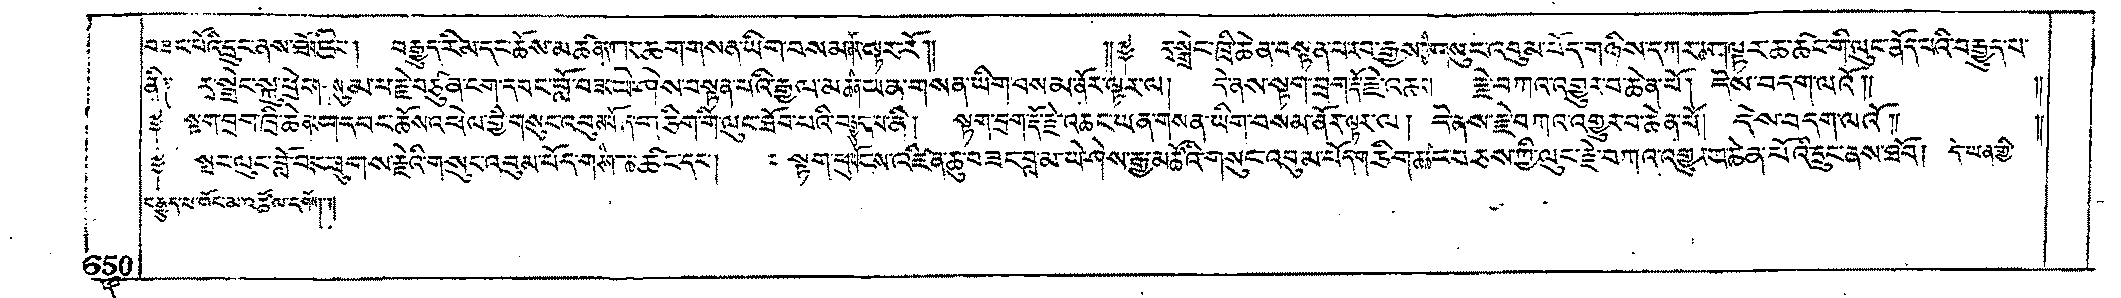བཟང་པོའི་དྲུང་ནས་ཐོབ་ཅིང་། བརྒྱུད་རིམ་དང་ཆོས་མཚན་དཀར་ཆག་གསན་ཡིག་བསམ་ནོར་ལྟར་རོ།། །།འ་རྭ་སྒྲེང་ཁྲི་ཆེན་བསྟན་པ་རབ་རྒྱས་ཀྱི་གསུང་འབུམ་པོད་གཉིས་དཀར་ཆག་ལྟར་ཆ་ཚང་གི་ལུང་ནོད་པའི་བརྒྱུད་པ་
ནི༑ རྭ་སྒྲེང་སྐུ་ཕྲེང་གསུམ་པ་རྗེ་བཙུན་ངག་དབང་བློ་བཟང་ཡེ་ཤེས་བསྟན་པའི་རྒྱལ་མཚན་ཡན་གསན་ཡིག་བསམ་ནོར་ལྟར་ལ། དེ་ནས་སྟག་བྲག་རྡོ་རྗེ་འཆང་། རྗེ་བཀའ་འགྱུར་བ་ཆེན་པོ། དེས་བདག་ལའོ།། །།
འ་སྟག་བྲག་ཁྲི་ཆེན་ངག་དབང་ཆོས་འཕེལ་གྱི་གསུང་འབུམ་པོད་གཅིག་གི་ལུང་ཐོབ་པའི་བརྒྱུད་པ་ནི། སྟག་བྲག་རྡོ་རྗེ་འཆང་ཡན་གསན་ཡིག་བསམ་ནོར་ལྟར་ལ། དེ་ནས་རྗེ་བཀའ་འགྱུར་བ་ཆེན་པོ། དེས་བདག་ལའོ།། །།
འ་སྤང་ལུང་བློ་བཟང་ཐུགས་རྗེའི་གསུང་འབུམ་པོད་གཅིག་ཆ་ཚང་དང་། ༧་སྟག་ཕུ་ཡོངས་འཛིན་ཆུ་བཟང་བླ་མ་ཡེ་ཤེས་རྒྱ་མཚོའི་གསུང་འབུམ་པོད་གཅིག་ཆ་ཚང་བཅས་ཀྱི་ལུང་རྗེ་བཀའ་འགྱུར་བ་ཆེན་པོའི་དྲུང་ནས་ཐོབ། དེ་ཡང་གྱི་
བརྒྱུད་པ་གོང་མ་འཚོལ་དགོས།།